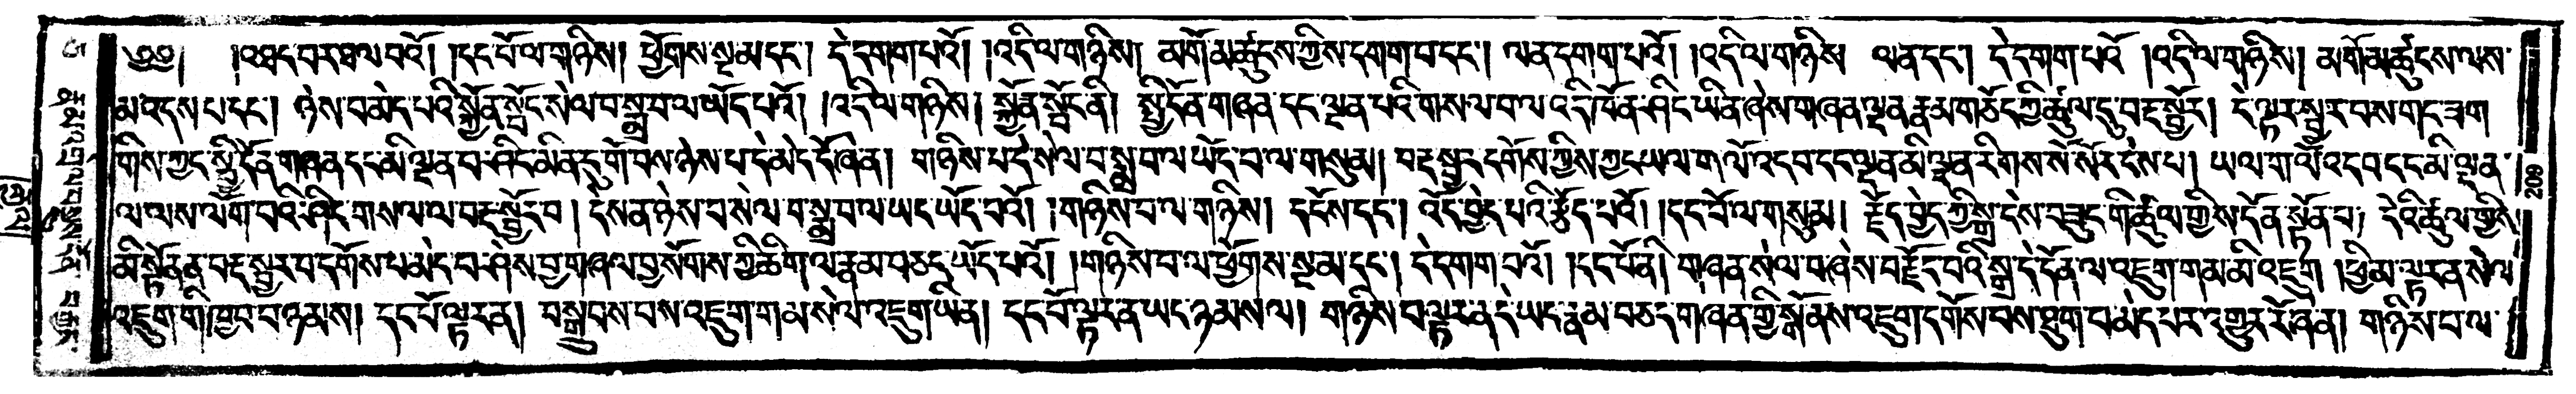༄༅། །འཐད་པར་ཐལ་བའོ། །དང་པོ་ལ་གཉིས། ཕྱོགས་སྔ་མ་དང་། དེ་དགག་པའོ། །འདི་ལ་གཉིས། མགོ་མཚུངས་ཀྱིས་དགག་པ་དང་། ལན་དགག་པའོ། །འདི་ལ་གཉིས། ལན་དང་། དེ་དགག་པའོ་།འདི་ལ་གཉིས། མགོ་མཚུངས་ལས་
མ་འདས་པ་དང་། ཉེས་པ་མེད་པའི་སྐྱོན་སྤོང་སེལ་བ་སྨྲ་བ་ལ་ཡོད་པའོ། །འདི་ལ་གཉིས། སྐྱོན་སྤོང་ནི། སྤྱི་དོན་གཞན་དང་ལྡན་པའི་གསལ་བ་ལ་འདི་ཁོ་ན་ཤིང་ཡིན་ཞེས་གཞན་ལྡན་རྣམ་གཅོད་ཀྱི་ཚུལ་དུ་བརྡ་སྦྱོར། དེ་ལྟར་སྦྱར་བས་གང་ཟག་
གིས་ཀྱང་སྤྱི་དོན་གཞན་དང་མི་ལྡན་པ་ཤིང་མིན་དུ་གོ་བས་ཉེས་པ་དེ་མེད་དོ་ཞེ་ན། གཉིས་པ་དེ་སེལ་བ་སྨྲ་བ་ལ་ཡོད་པ་ལ་གསུམ། བརྡ་སྦྱར་དགོས་ཀྱིས་ཀྱང་ཡལ་ག་ལོ་འདབ་དང་ལྡན་མི་ལྡན་རིགས་སོ་སོར་ངེས་པ། ཡལ་ག་ལོ་འདབ་དང་མི་ལྡན་
ལ་ལས་ལོག་པའི་ཤིང་གསལ་ལ་བརྡ་སྦྱོར་བ། །དེས་ན་ཉེས་པ་སེལ་བ་སྨྲ་བ་ལ་ཡང་ཡོད་པའོ། །གཉིས་པ་ལ་གཉིས། དངོས་དང་། འོད་བྱེད་པའི་རྩོད་པའོ། །དང་པོ་ལ་གསུམ། རྗོད་བྱེད་ཀྱི་སྒྲ་དེས་བཟུང་གི་ཚུལ་གྱིས་དོན་སྟོན་པ། དེའི་ཚུལ་གྱིས་
མི་སྟོན་ན་བརྡ་སྦྱར་བ་དགོས་པ་མེད་པ་ཤེས་བྱ་གཞལ་བྱ་སོགས་ཀྱི་ཚིག་ལ་རྣམ་བཅད་ཡོད་པའོ། །གཉིས་པ་ལ་ཕྱོགས་སྔ་མ་དང་། དེ་དགག་པའོ། །དང་པོ་ནི། གཞན་སེལ་བ་ཞེས་བརྗོད་པའི་སྒྲ་དེ་དོན་ལ་འཇུག་གམ་མི་འཇུག །ཕྱི་མ་ལྟར་ན་སེལ་
འཇུག་གི་ཁྱབ་པ་ཉམས། དང་པོ་ལྟར་ན། བསྒྲུབས་པས་འཇུག་གམ་སེལ་འཇུག་ཡིན། དང་པོ་ལྟར་ན་ཡང་ཉམས་ལ། གཉིས་པ་ལྟར་ན་དེ་ཡང་རྣམ་བཅད་གཞན་གྱི་སྒོ་ནས་འཇུག་དགོས་པས་ཐུག་པ་མེད་པར་འགྱུར་རོ་ཞེ་ན། གཉིས་པ་ལ་